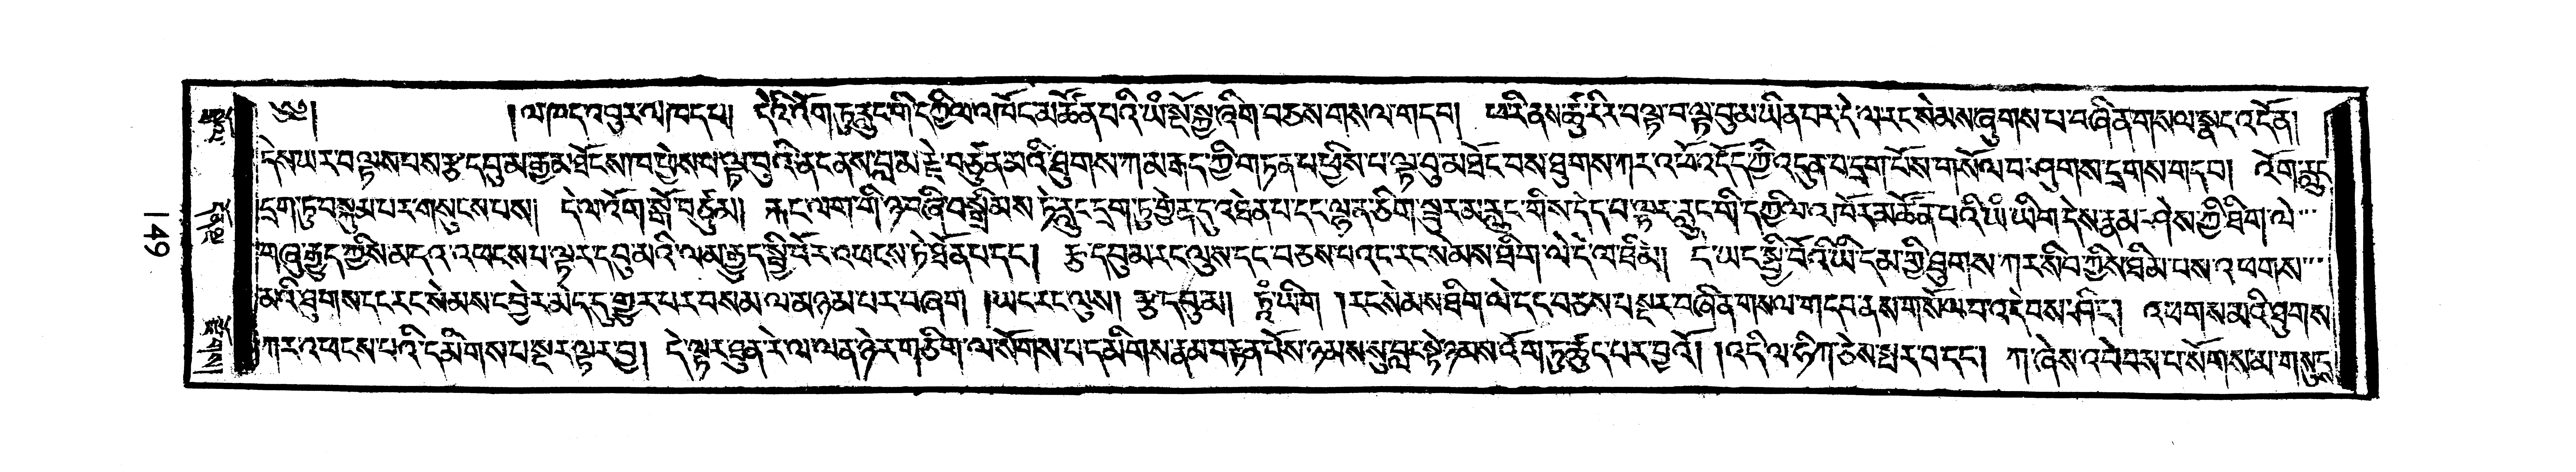༄༅། །ལ་ཁད་འཕུར་ལ་ཁད་པ། དེའི་འོག་ཏུ་རླུང་གི་དཀྱིལ་འཁོར་མཚོན་པའི་ཡཾ་སྔོ་སྐྱ་ཞིག་བཅས་གསལ་གདབ། ཕ་རི་ནས་ཚུ་རིར་བལྟ་བ་ལྟ་བུ་མ་ཡིན་པར་དེ་ལ་རང་སེམས་ཞུགས་པ་བཞིན་གསལ་སྣང་འདོན།
དེས་ཡར་བལྟས་པས་རྩ་དབུ་མ་རྒྱ་མཐོངས་ཁ་ཕྱེས་པ་ལྟ་བུའི་ནང་ནས་བླ་མ་རྗེ་བཙུན་མའི་ཐུགས་ཀ་མ་རྒད་ཀྱི་གཏན་པ་ཕྱིས་པ་ལྟ་བུ་མཐོང་བས་ཐུགས་ཀར་འཕོ་འདོད་ཀྱི་འདུན་པ་དྲག་པོས་གསོལ་བ་ཤུགས་དྲག་གདབ། འོག་རླུང་
དྲག་ཏུ་བསྐུམ་པར་གསུངས་པས། དེ་ལ་འོག་སྒོ་བཙུ་མ། རྐང་ལག་གི་ཉྭ་བཞི་བསྒྲིམས་ཏེ་རླུང་དྲག་ཏུ་གྱེན་དུ་འཐེན་པ་དང་ལྷན་ཅིག་སྦུར་མ་རླུང་གིས་དེད་པ་ལྟར་རླུང་གི་དཀྱིལ་འཁོར་མཚོན་པའི་ཡཾ་ཡིག་དེས་རྣམ་ཤེས་ཀྱི་ཐིག་ལེ་
གཞུ་རྒྱུད་ཀྱིས་མདའ་འཕངས་པ་ལྟར་དབུ་མའི་ལམ་རྒྱུད་སྤྱི་བོར་འཕངས་ཏེ་ཐོན་པ་དང་། རྩ་དབུ་མ་རང་ལུས་དང་བཅས་པའང་རང་སེམས་ཐིག་ལེ་དེ་ལ་ཐིམ། དེ་ཡང་སྤྱི་བོའི་ཡི་དམ་གྱི་ཐུགས་ཀར་སིབ་ཀྱིས་ཐིམ་པས་འཕགས་
མའི་ཐུགས་དང་རང་སེམས་དབྱེར་མེད་དུ་གྱུར་པར་བསམས་ལ་མཉམ་པར་བཞག །ཡང་རང་ལུས། རྩ་དབུ་མ། ཏཱཾ་ཡིག །རང་སེམས་ཐིག་ལེ་དང་བཅས་པ་སྔར་བཞིན་གསལ་བཏབ་ནས་གསོལ་བ་འདེབས་ཤིང་། འཕགས་མའི་ཐུགས་
ཀར་འཕང་བའི་དམིགས་པ་སྔར་ལྟར་བྱ། དེ་ལྟར་ཐུན་རེ་ལ་ལན་ཉེར་གཅིག་ལ་སོགས་པ་དམིགས་རྣམ་བརྟན་པོས་ཉམས་སུ་བླང་སྟེ་ཉམས་འོག་ཏུ་ཚུད་པར་བྱའོ། །འདི་ལ་ཧི་ཀ་ཅེས་སྦར་བ་དང་། ཀ་ཞེས་འབེབས་པ་སོགས་མ་གསུངས་